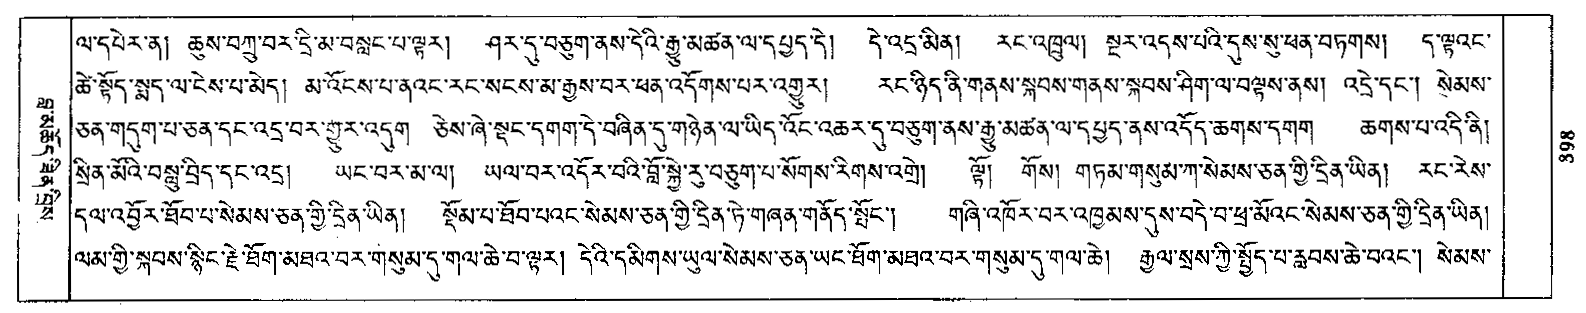ལ་དཔེར་ན། ཆུས་བཀྲུ་བར་དྲི་མ་བསླང་པ་ལྟར། ཤར་དུ་བཅུག་ནས་དེའི་རྒྱུ་མཚན་ལ་དཔྱད་དེ། དེ་འདྲ་མིན། རང་འཁྲུལ། སྔར་འདས་པའི་དུས་སུ་ཕན་བཏགས། ད་ལྟའང་
ཚེ་སྟོད་སྨད་ལ་ངེས་པ་མེད། མ་འོངས་པ་ནའང་རང་སངས་མ་རྒྱས་བར་ཕན་འདོགས་པར་འགྱུར། རང་ཉིད་ནི་གནས་སྐབས་གནས་སྐབས་ཤིག་ལ་བལྟས་ནས། འདྲེ་དང་། སེམས་
ཅན་དགུག་པ་ཅན་དང་འདྲ་བར་གྱུར་འདུག་ཅེས་ཞེ་སྡང་དགག་དེ་བཞིན་དུ་གཉེན་ལ་ཡིད་འོང་འཆར་དུ་བཅུག་ནས་རྒྱུ་མཚན་ལ་དཔྱད་ནས་འདོད་ཆགས་དགག་ཆགས་པ་འདི་ནི།
སྲིན་མོའི་བསླུ་བྲིད་དང་འདྲ། ཡང་བར་མ་ལ། ཡལ་བར་འདོར་བའི་བློ་སྐྱེ་རུ་བཅུག་པ་སོགས་རིགས་འགྲེ། ལྟོ། གོས། གཏམ་གསུམ་ཀ་སེམས་ཅན་གྱི་དྲིན་ཡིན། རང་རེས་
དལ་འབྱོར་ཐོབ་པ་སེམས་ཅན་གྱི་དྲིན་ཡིན། སྡོམ་པ་ཐོབ་པའང་སེམས་ཅན་གྱི་དྲིན་ཏེ་གཞན་གནོད་སྤོང་། གཞི་འཁོར་བར་འཁྱམས་དུས་བདེ་བ་ཕྲ་མོའང་སེམས་ཅན་གྱི་དྲིན་ཡིན།
ལམ་གྱི་སྐབས་སྙིང་རྗེ་ཐོག་མཐའ་བར་གསུམ་དུ་གལ་ཆེ་བ་ལྟར། དེའི་དམིགས་ཡུལ་སེམས་ཅན་ཡང་ཐོག་མཐའ་བར་གསུམ་དུ་གལ་ཆེ། རྒྱལ་སྲས་ཀྱི་སྤྱོད་པ་རླབས་ཆེ་བའང་། སེམས་